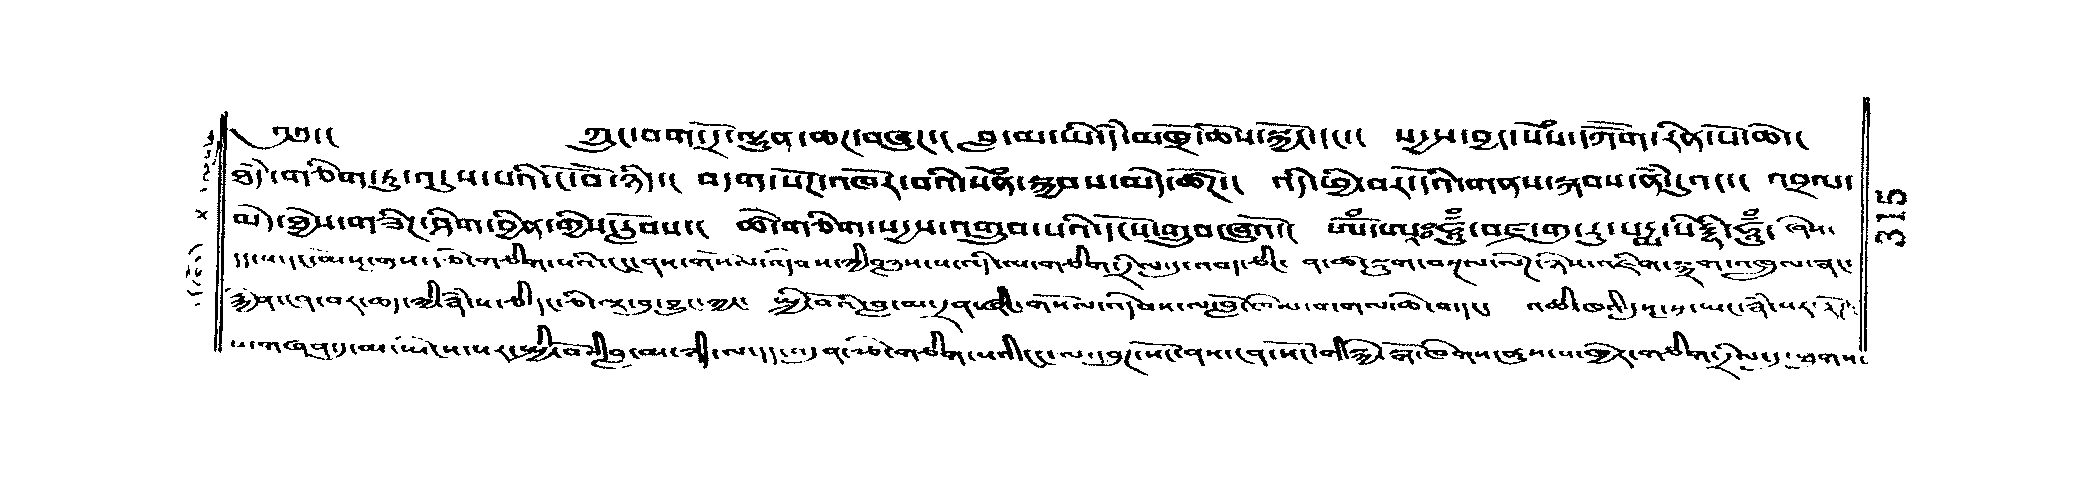ཀྲུང་བག་དྲོ་ལྷུན་ཆགས་བཞུགས། །བླ་མ་ཡི་དམ་མཁའ་འགྲོ་ཆོས་སྐྱོང་དང་། །སངས་རྒྱས་བྱང་སེམས་དཀོན་མཆོག་རིན་པོ་ཆེ། །
ཐམས་ཅད་གཅིག་ཏུ་འདུས་པའི་ངོ་བོ་ཉིད། །བདག་སོགས་འཁོར་བའི་སེམས་ཅན་སྐྱབས་མེད་ཚོགས། །འདི་ཕྱི་བར་དོའི་གནས་སྐབས་ནམ་དུའང་། །འབྲལ་
མེད་ཐུགས་རྗེས་གཟིགས་ཤིག་བྱིན་གྱིས་རློབས། །ཚེ་གཅིག་སངས་རྒྱས་འགྲུབ་པའི་དངོས་གྲུབ་ཞུའོ།ཨོཾ་ཨཱཿཧཱུྃ་བཛྲ་གུ་རུ་པདྨ་སིདྡྷི་ཧཱུྃ། ཞེས་
དད་པ་དང་མོས་གུས་རྩེ་གཅིག་པའི་ངང་ནས་གསོལ་འདེབས་ཀྱི་བཟླས་པ་འདི་ལ་གཅིག་དྲིལ་དུ་འབད་ཅིང་། ན་ཚ་སྡུག་བསྔལ་ལེགས་ཉེས་འཇིགས་སྐྲག་འཁྲུལ་སྣང་
རྐྱེན་ངན་བར་ཆད་ཀྱི་རྣམ་པ་ཅི་དང་ཅི་ལྟ་བུ་བྱུང་ཀྱང་། སྤྱི་བོའི་བླ་མ་དྲན་ཞིང་གསོལ་འདེབས་ལ་བློ་ཁེལ་བ་གལ་ཆེ་བ་དང་། འཆི་ཁའི་དུས་སུ་ཡང་རྣམ་པར་རྟོག་
པ་གཞན་དུ་མ་ཡེངས་པར་སྤྱི་བོའི་བླ་མ་ཉིད་ལ་དད་འདུན་རྩེ་གཅིག་པའི་ངང་ལ་དབུགས་སོང་ནས་ངན་སོང་གི་སྐྱེ་སྒོ་ཁེགས་ནུས་པའི་ལམ་ཁྱེར་གཅིག་དྲིལ་དུ་ཐུགས་